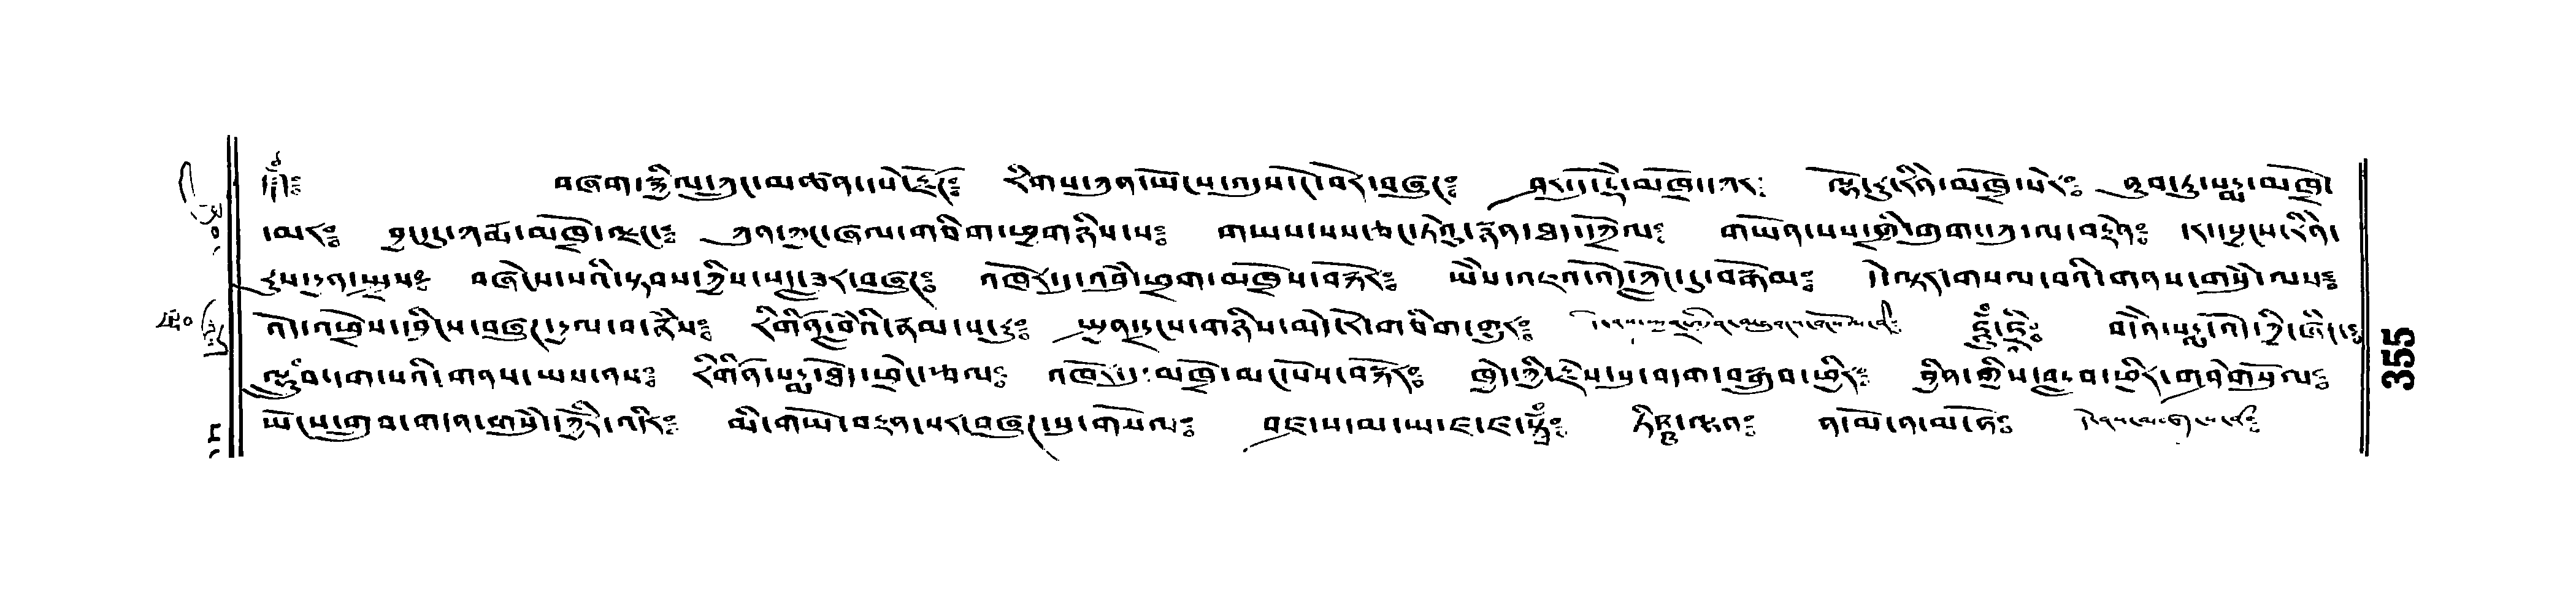བཞག་སྐྱིལ་ཀྲུང་མཚན་དཔེ་རྫོགས༔ རིགས་ཀུན་ཡོངས་འདུས་ངོ་བོར་བཞུགས༔ ཤར་དུ་རྡོ་རྗེ་མཁའ་འགྲོ་དཀར༔ ལྷོ་རུ་རིན་ཆེན་མཁའ་འགྲོ་སེར༔ ནུབ་རུ་པདྨ་མཁའ་འགྲོ་
དམར༔ བྱང་དུ་ཀརྨ་མཁའ་འགྲོ་ལྗང༔ ཀུན་ཀྱང་ཞལ་གཅིག་ཕྱག་གཉིས་པ༔ གཡས་པས་ཅང་ཏེའུ་སྙན་ཐད་དཀྲོལ༔ གཡོན་པས་གྲི་གུག་དཀུ་ལ་བརྟེན༔ དར་དཔྱངས་རིན་ཆེན་
རུས་རྒྱན་སྤྲས༔ བཞེངས་པའི་སྟབས་ཀྱིས་པད་ཟླར་བཞུགས༔ འཁོར་དུ་འབུམ་ཕྲག་མཁའ་འགྲོས་བསྐོར༔ ཡེ་ཤེས་འཇའ་འོད་ཀློང་དུ་བསྒོམ༔ དེ་ལྟར་གསལ་བའི་གནས་གསུམ་ལས༔ 
འོད་འཕྲོས་དབྱིངས་བཞུགས་རྒྱལ་བ་རྣམས༔ རིག་འཛིན་བླ་མའི་རྣམ་པར་རུ༔ སྤྱན་དྲངས་གཉིས་མེད་རོ་གཅིག་གྱུར༔ དེ་ནས་སྤྱན་འདྲེན་བཞུགས་གསོལ་ནི༔ ཧཱུྃ་ཧྲཱིཿ བདེ་ཆེན་པདྨ་འོད་ཀྱི་ཞིང༔ 
ལྷུན་གྲུབ་དག་པའི་གནས་ཡས་ནས༔ རིག་འཛིན་པདྨ་ཐོད་ཕྲེང་རྩལ༔ འཁོར་དུ་མཁའ་འགྲོ་མང་པོས་བསྐོར༔ ཁྱེད་ཀྱི་རྗེས་སུ་བདག་བསྒྲུབ་ཕྱིར༔ བྱིན་གྱིས་བརླབ་ཕྱིར་གཤེགས་སུ་གསོལ༔ 
ཡོངས་གྲུབ་གདན་གསུམ་དཀྱིལ་འཁོར་འདིར༔ མི་གཡོ་བརྟན་པར་བཞུགས་སུ་གསོལ༔ བཛྲ་ས་མ་ཡ་ཛ་ཛ་སྟྭྃ༔ ཏིཥྛ་ལྷན༔ ན་མོ་ན་མ་ཧོཿ དེ་ནས་མཆོད་པ་ནི༔